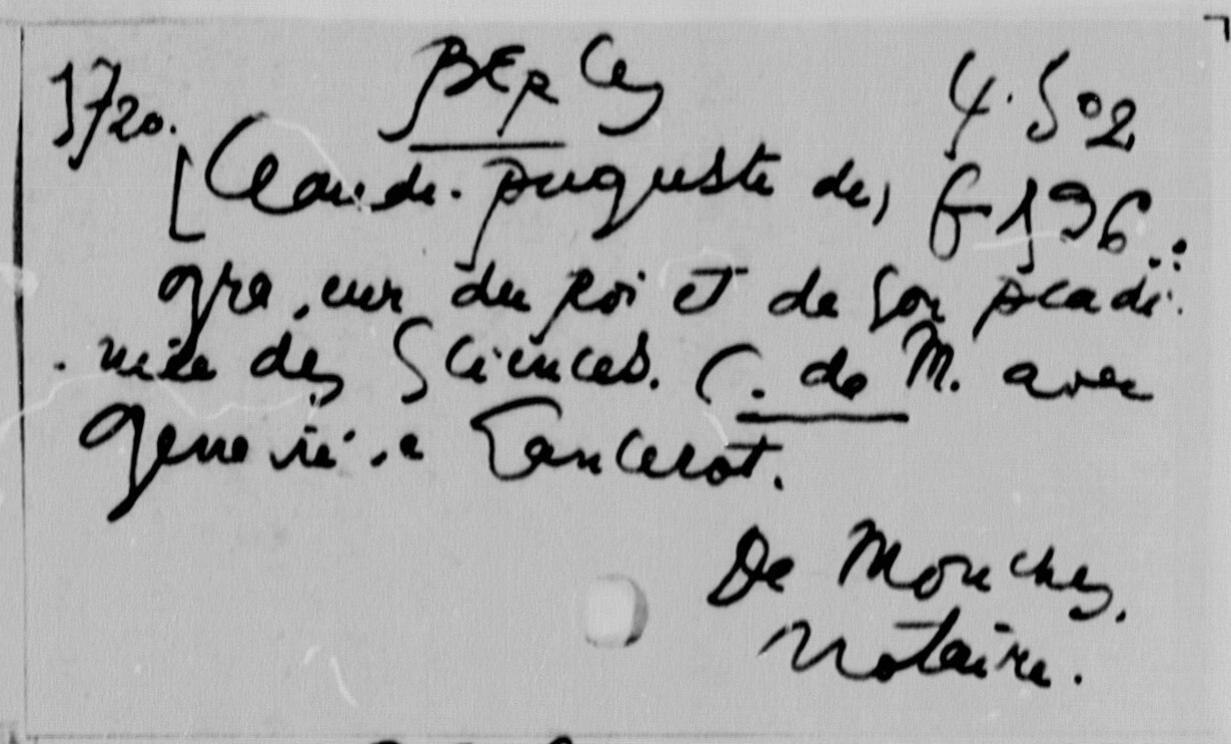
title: BERCY (Claude-Auguste de)
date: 1720
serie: Y
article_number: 502
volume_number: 196v
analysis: Graveur du roi et de son Académie des Sciences. Contrat de mariage avec Geneviève Lancerot. De Mouchy, notaire.
